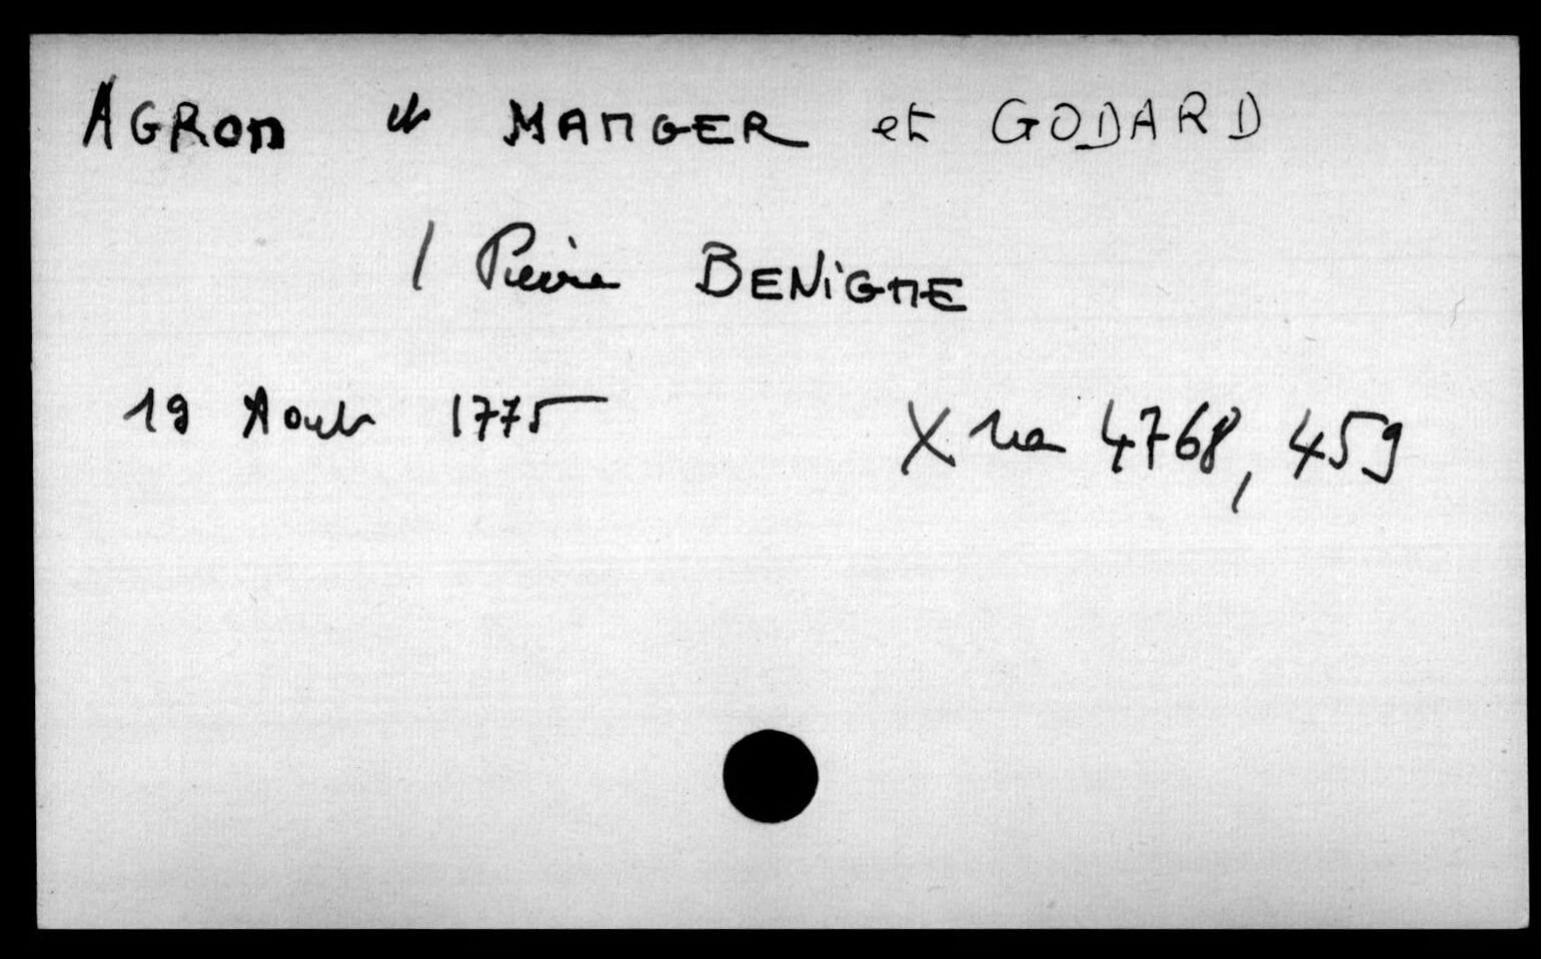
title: AGRON et MANGER et GODARD
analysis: Contre Pierre BENIGNE
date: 19 août 1775
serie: X1a
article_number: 4768
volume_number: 459
